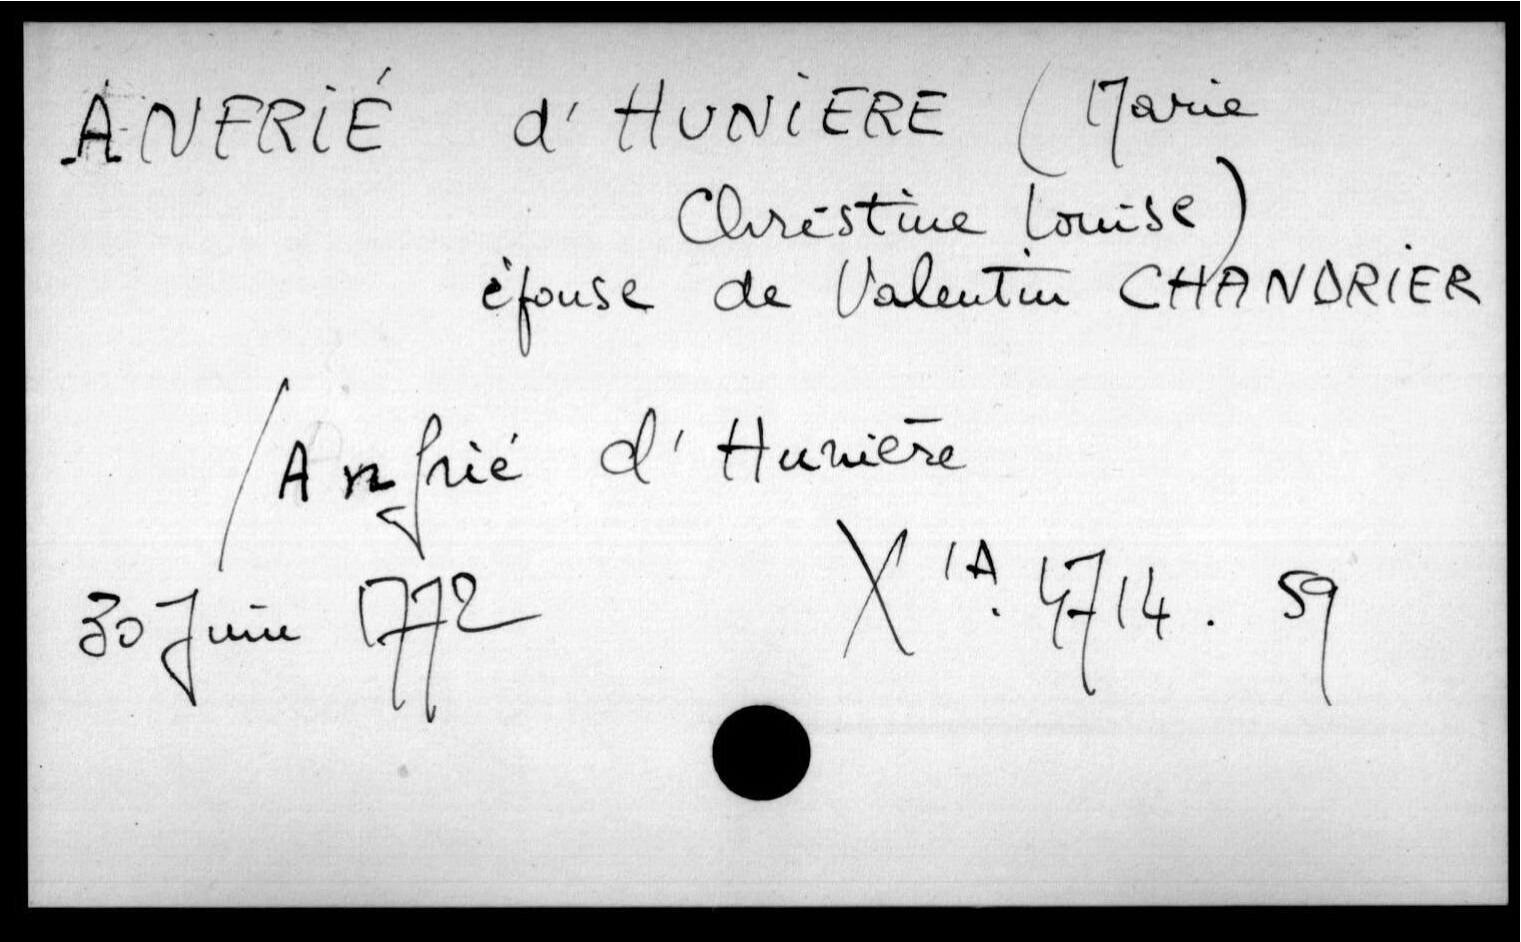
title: ANFRIÉ d'HUNIERE (Marie Christine Louise) épouse de Valentin CHANDRIER
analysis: Contre Anfrié d'Hunière
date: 30 juin 1772
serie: X1A
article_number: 4714
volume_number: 59
